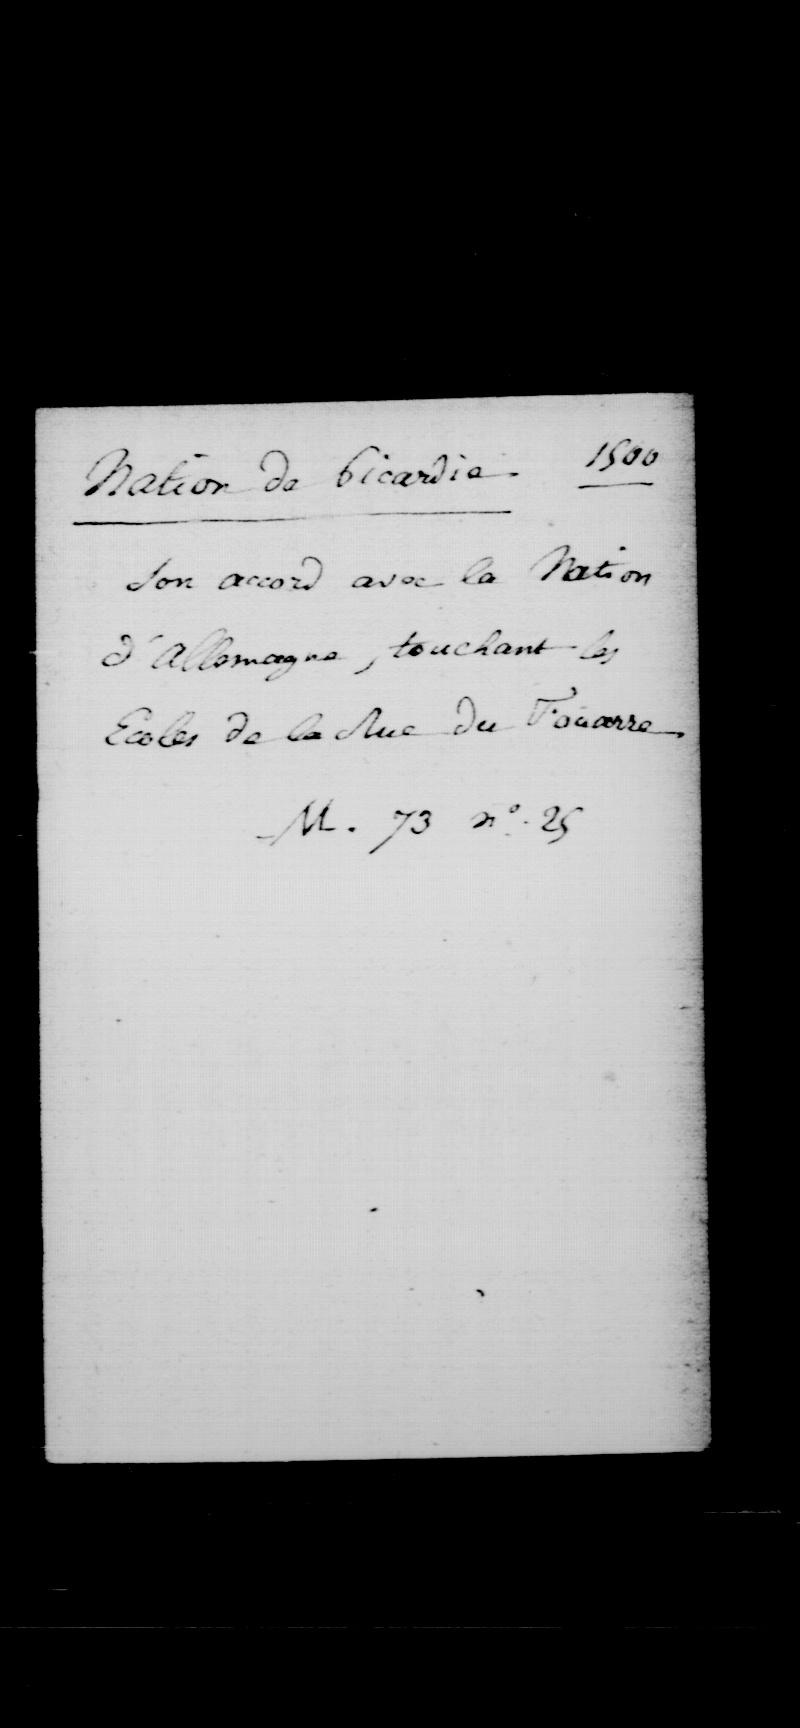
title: Nation de Picardie
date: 1500
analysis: Son accord avec la nation d'Allemagne, touchant les Écoles de la Rue du Foucorre
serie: M
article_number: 73
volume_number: n° 25
